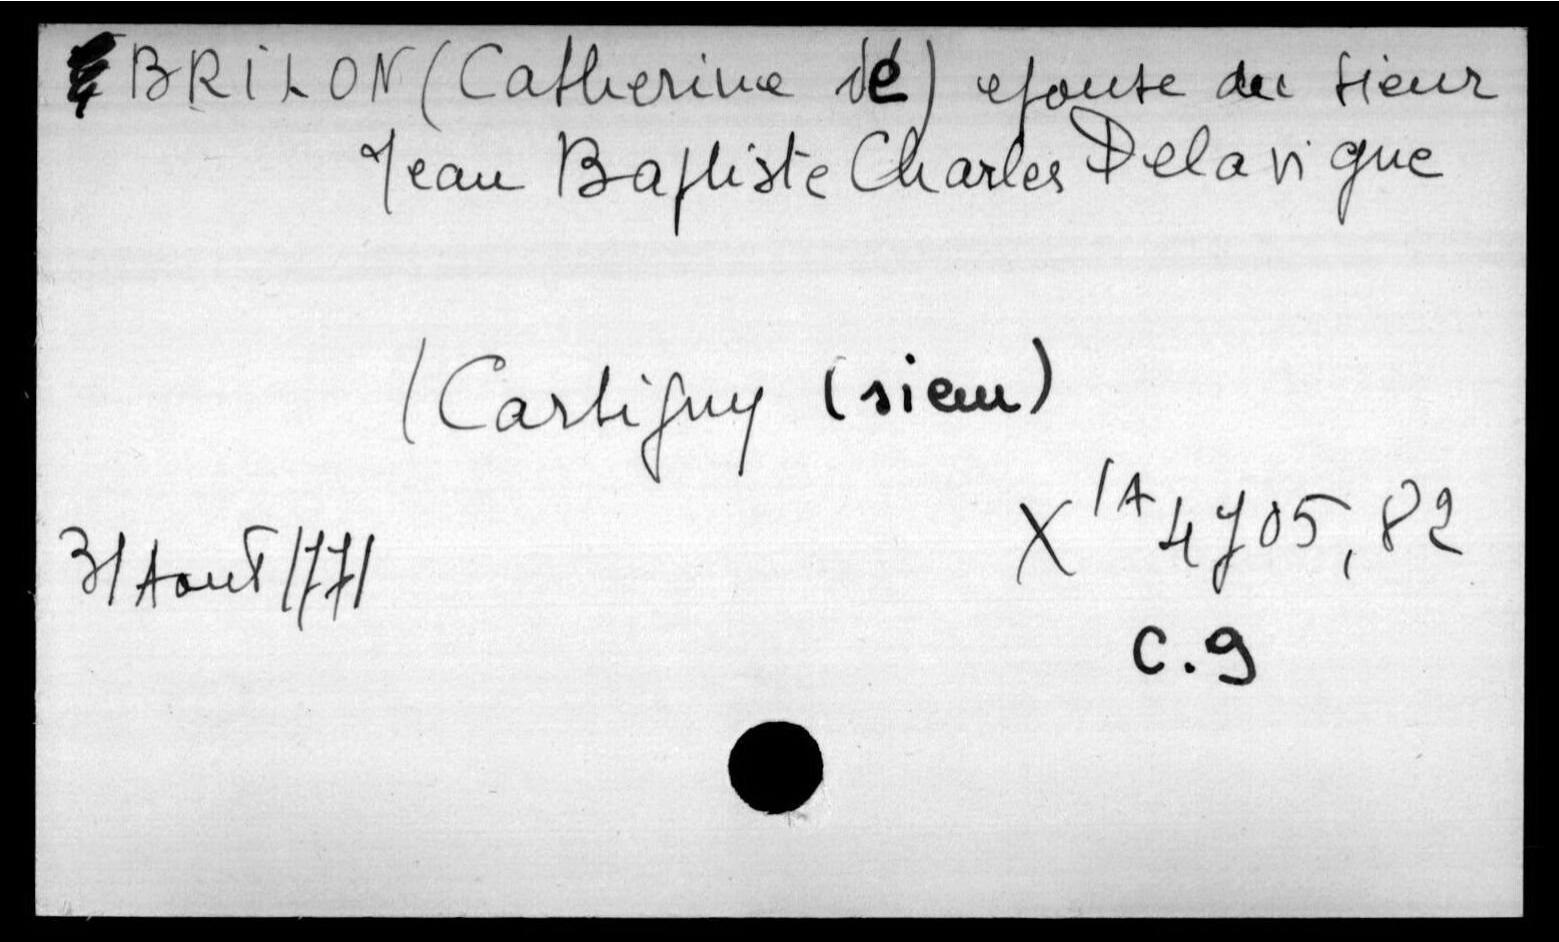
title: ABRILON (Catherine de) épouse du sieur Jean Baptiste Charles Delavigne
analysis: Contre Cartigny (sieur)
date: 31 août 1771
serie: X1A
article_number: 4705
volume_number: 82 Conseil, 9
